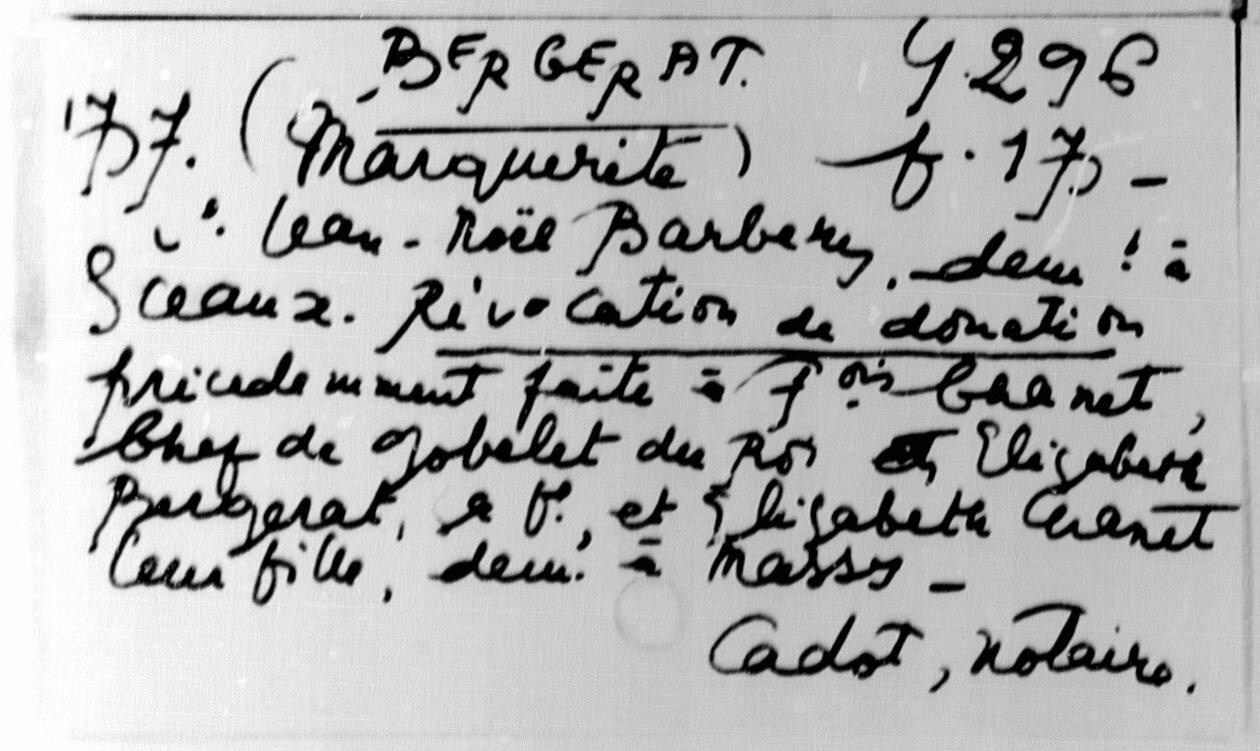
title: BERGERAT (Marguerite)
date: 1707
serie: Y
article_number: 296
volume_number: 170
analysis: Veuve Jean-Noël Barbery, demeurant à Sceaux. Révocation de donation précédemment faîte à François Chanet, chef de Gobelet du roi et Elisabeth Bergerat, sa femme, et Elisabeth Chanet leur fille, demeurant à Massy. Cadot, notaire.
